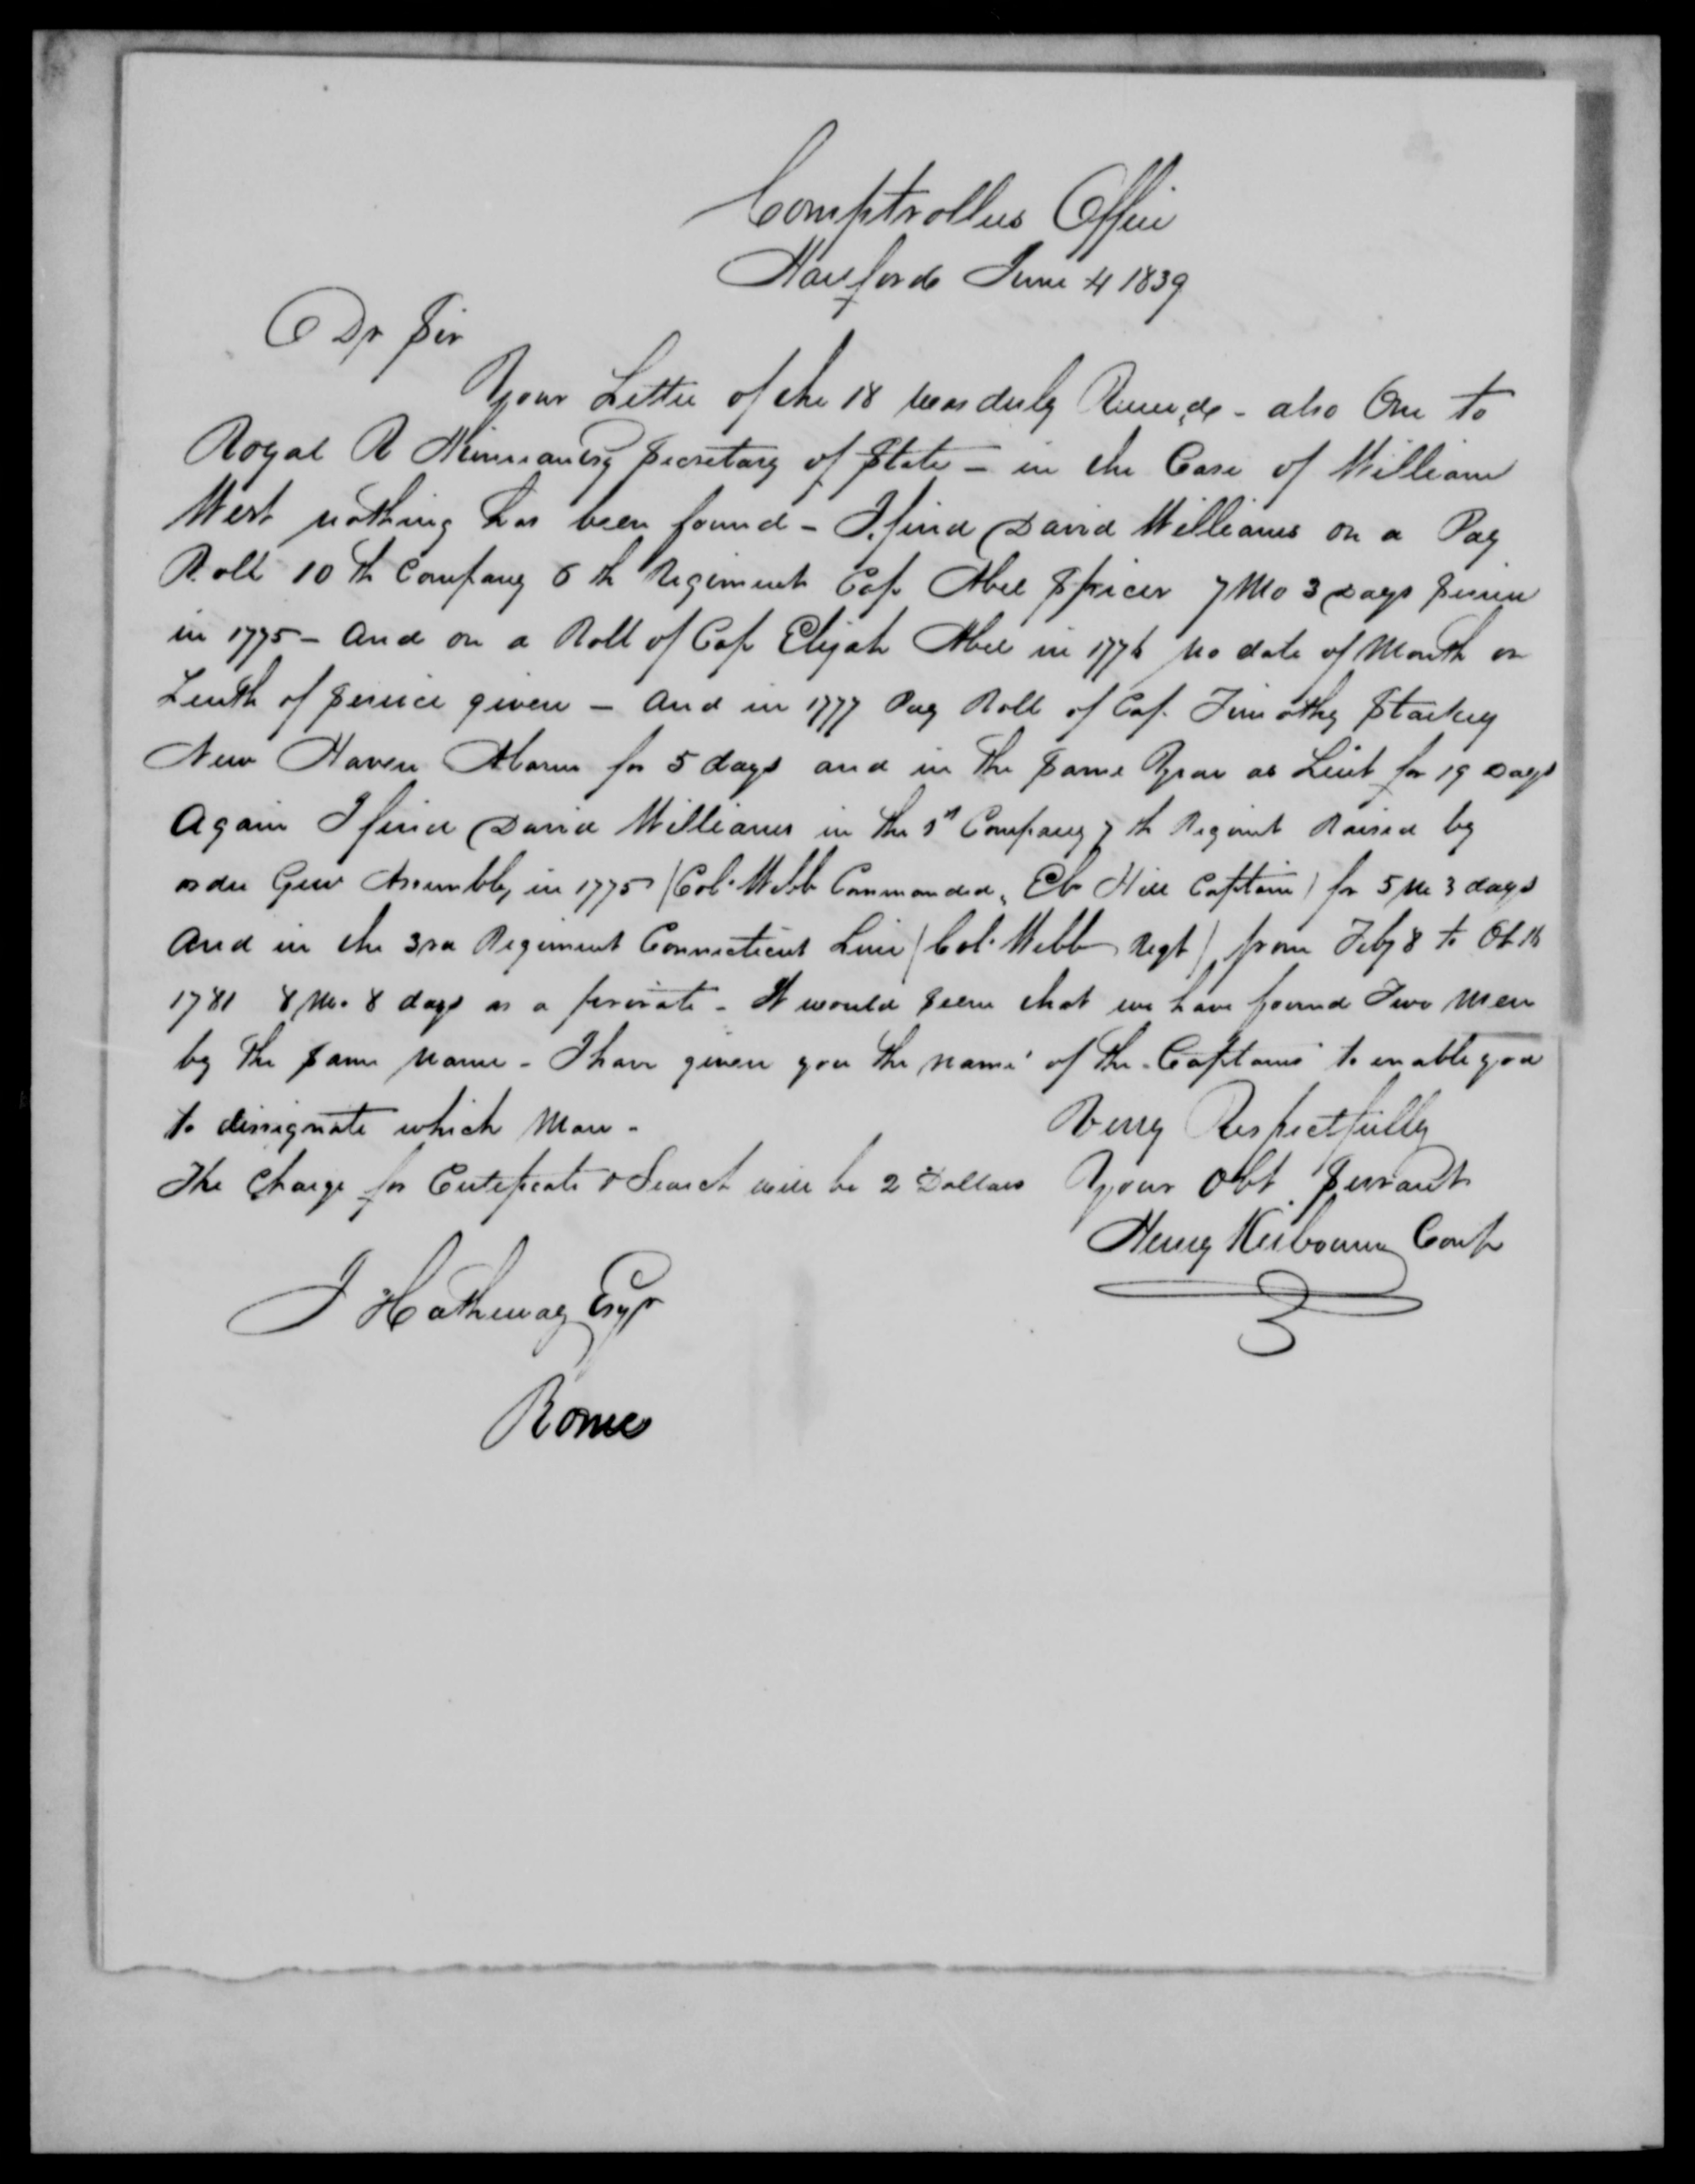Comptrollers Office Hartford June 4 1839
Dr Sir
Your letter of the 18 was duly received. Also one to Royal R. Himianing Secretary of State in the Case of William Wert nothing has been found. I find David Williams on a Pay Roll 10th Company & the regiment Capt Abel Spicer 7 Mo 3 days service in 1775 and on a Aoll of Cap Elijah Abel in 1776. No date of month or Lieut of service given. And in 1777 Aug Roll of Cap Timothy Starkey New Haven Abram for 5 days and in the same year as list for 19 days. Again I find David Williams in the 2d Company of the regiment raised by order Gen Assembly in 1775 / Col Webb Commander, Ch Hill Captain for 5 mo 3 days. And in the 3rd REgiment Connecticut Line / Col Webb Regt / from Feby 8 to Ot 1 1781 8 mo 8 days as a private.  It would been that we have found two men by the same name. I have given you the nemes of the Captains together to designate which man. The charge for (illegible) & search will be 2 Dollars.
Very Respectfully Your Obt. Servant Henry Wilbourn Court
J Hathaway Esqr Rome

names: David Williams, William West, Eb Hill, J Hatheway, Elijah Abel, Timothy Stachey, Abel Spicer, Webb, Henry Kisbourn, Royal R Hinman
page: 35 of 63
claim: widow's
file: W. 22,632, David Williams, Conn. Continental Privateer